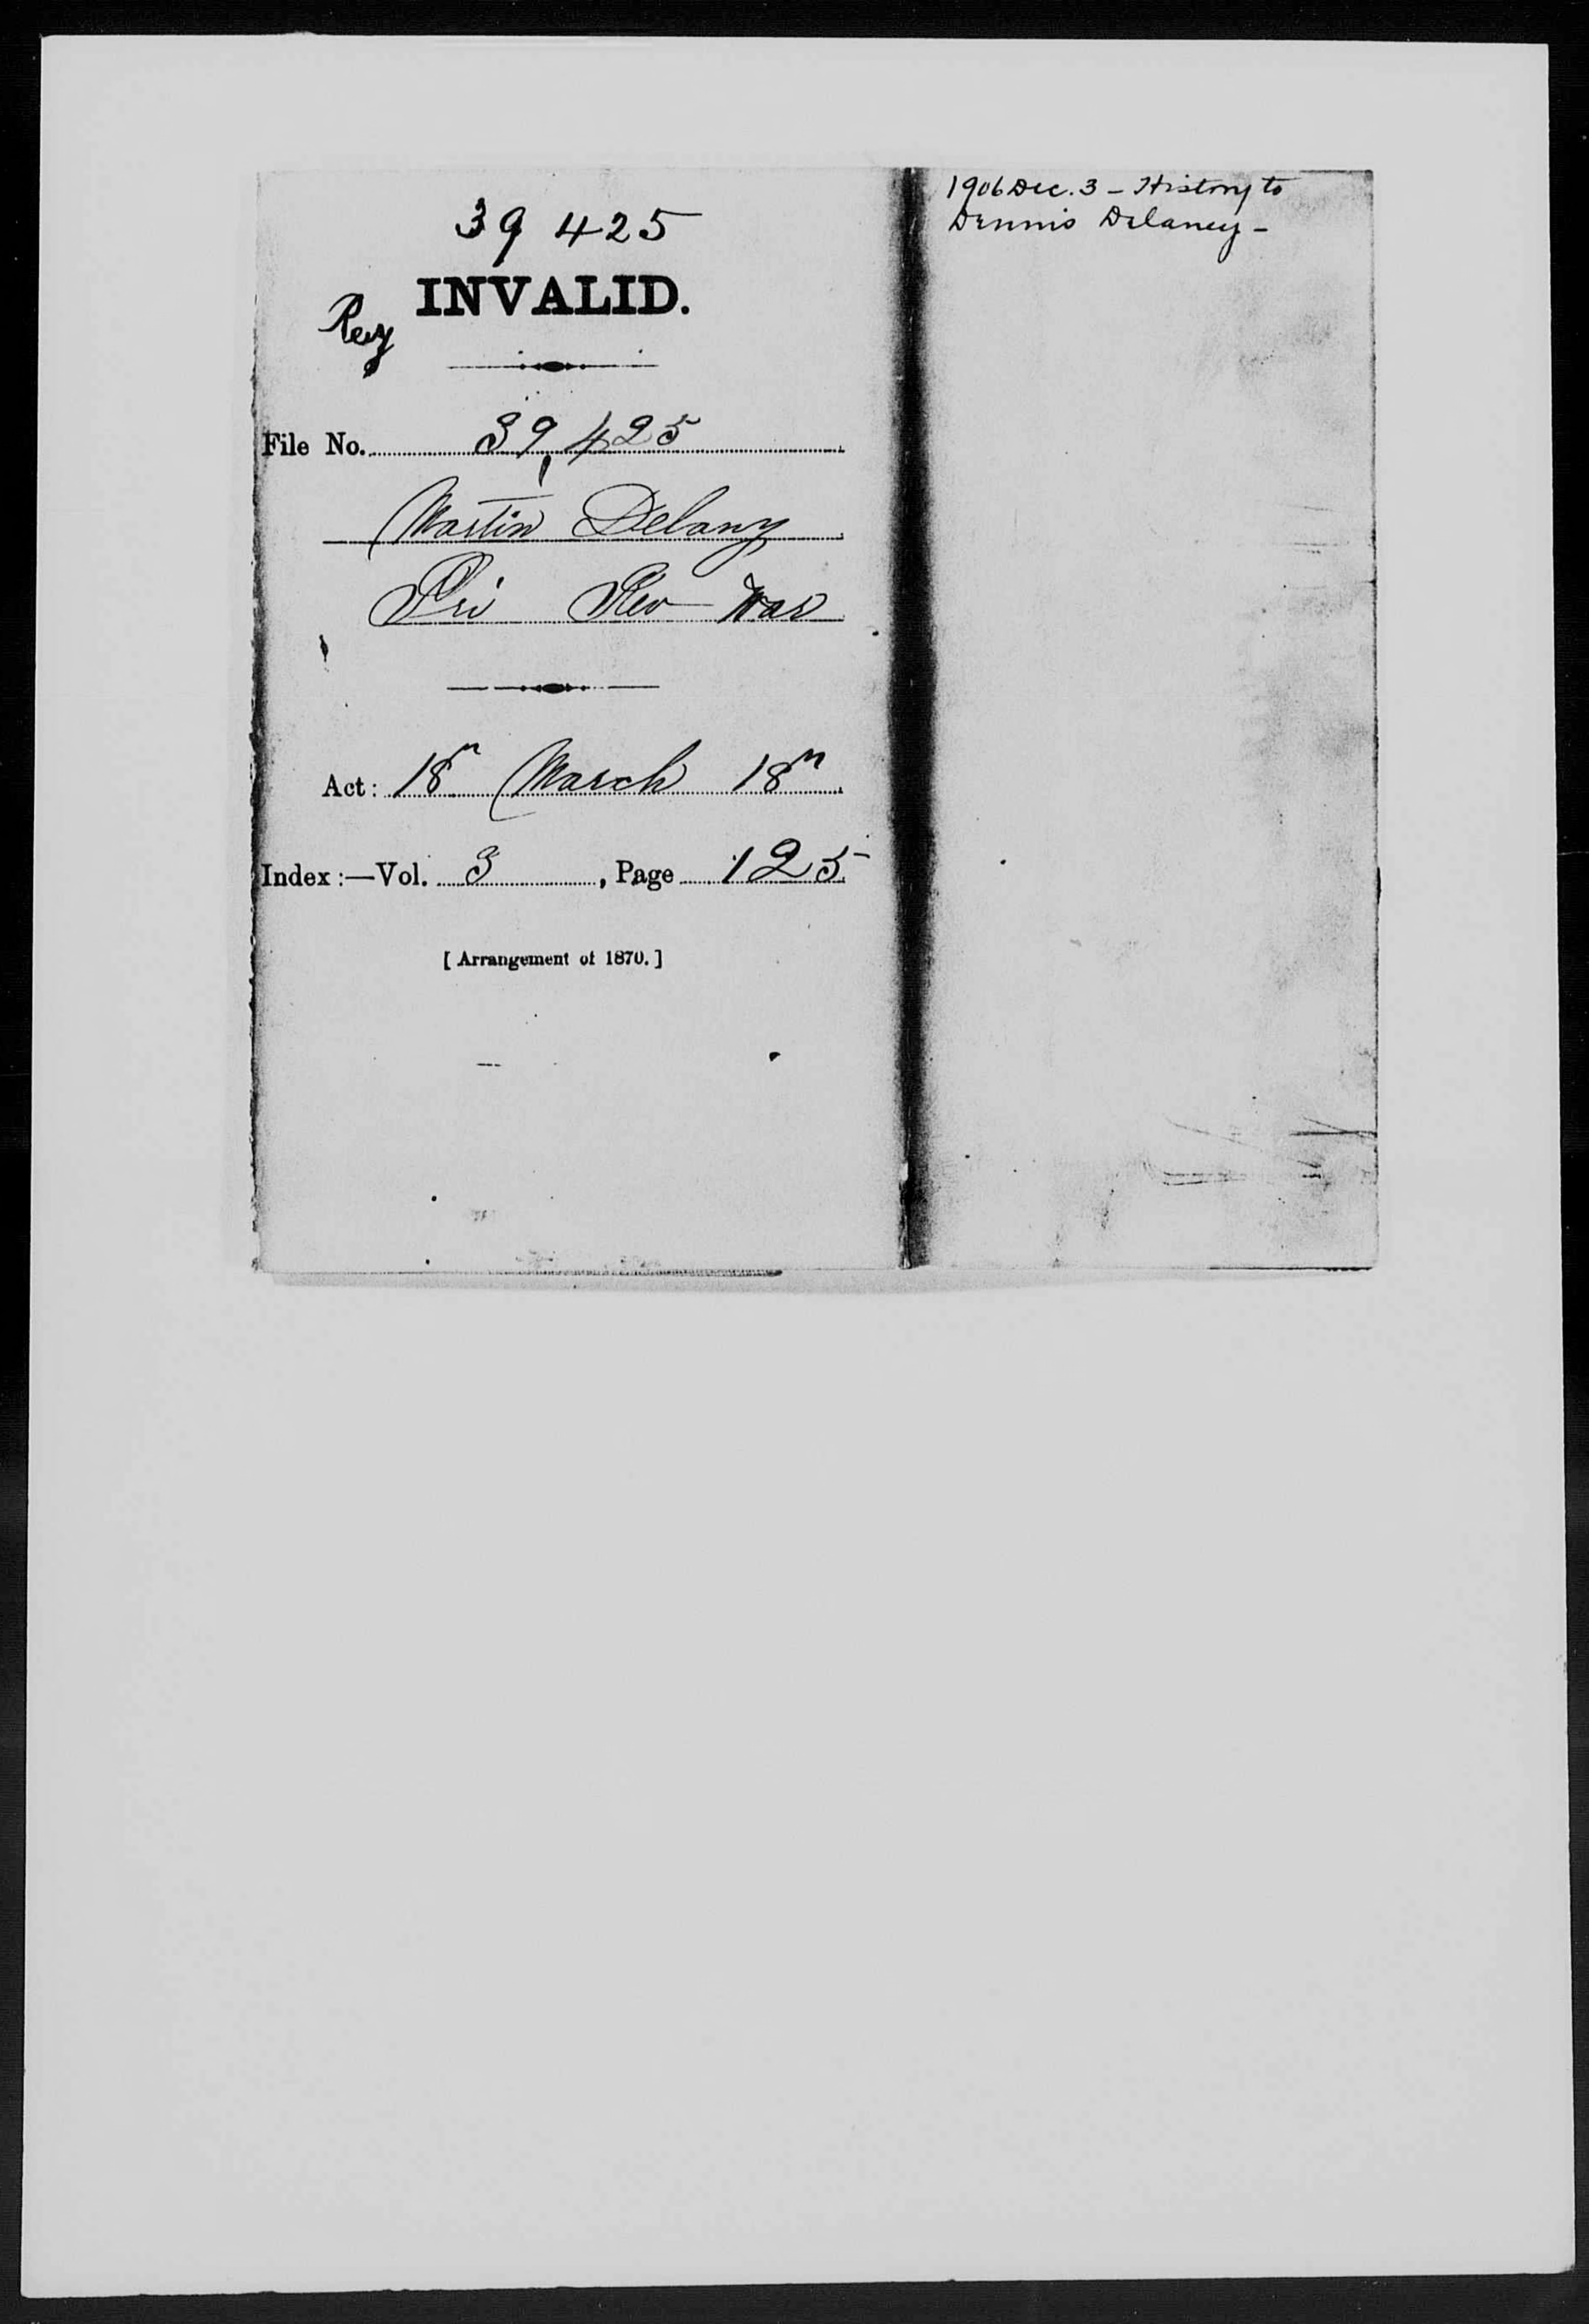39425
Rey
INVALID.
---
File No. 39,425
Martin Delany
Pri Rev War
Rev War
-
Act: 18 March 18 ┃
Index: -- Vol. 5
Page 125 ┃
[Arrangement of 1870.]
1906 Dec. 3 - History to
Dennis Delaney-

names: Dennis Delaney, Martin Delany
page: 16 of 22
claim: survivor's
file: S. 3,9425, Martin Delany, Penn.